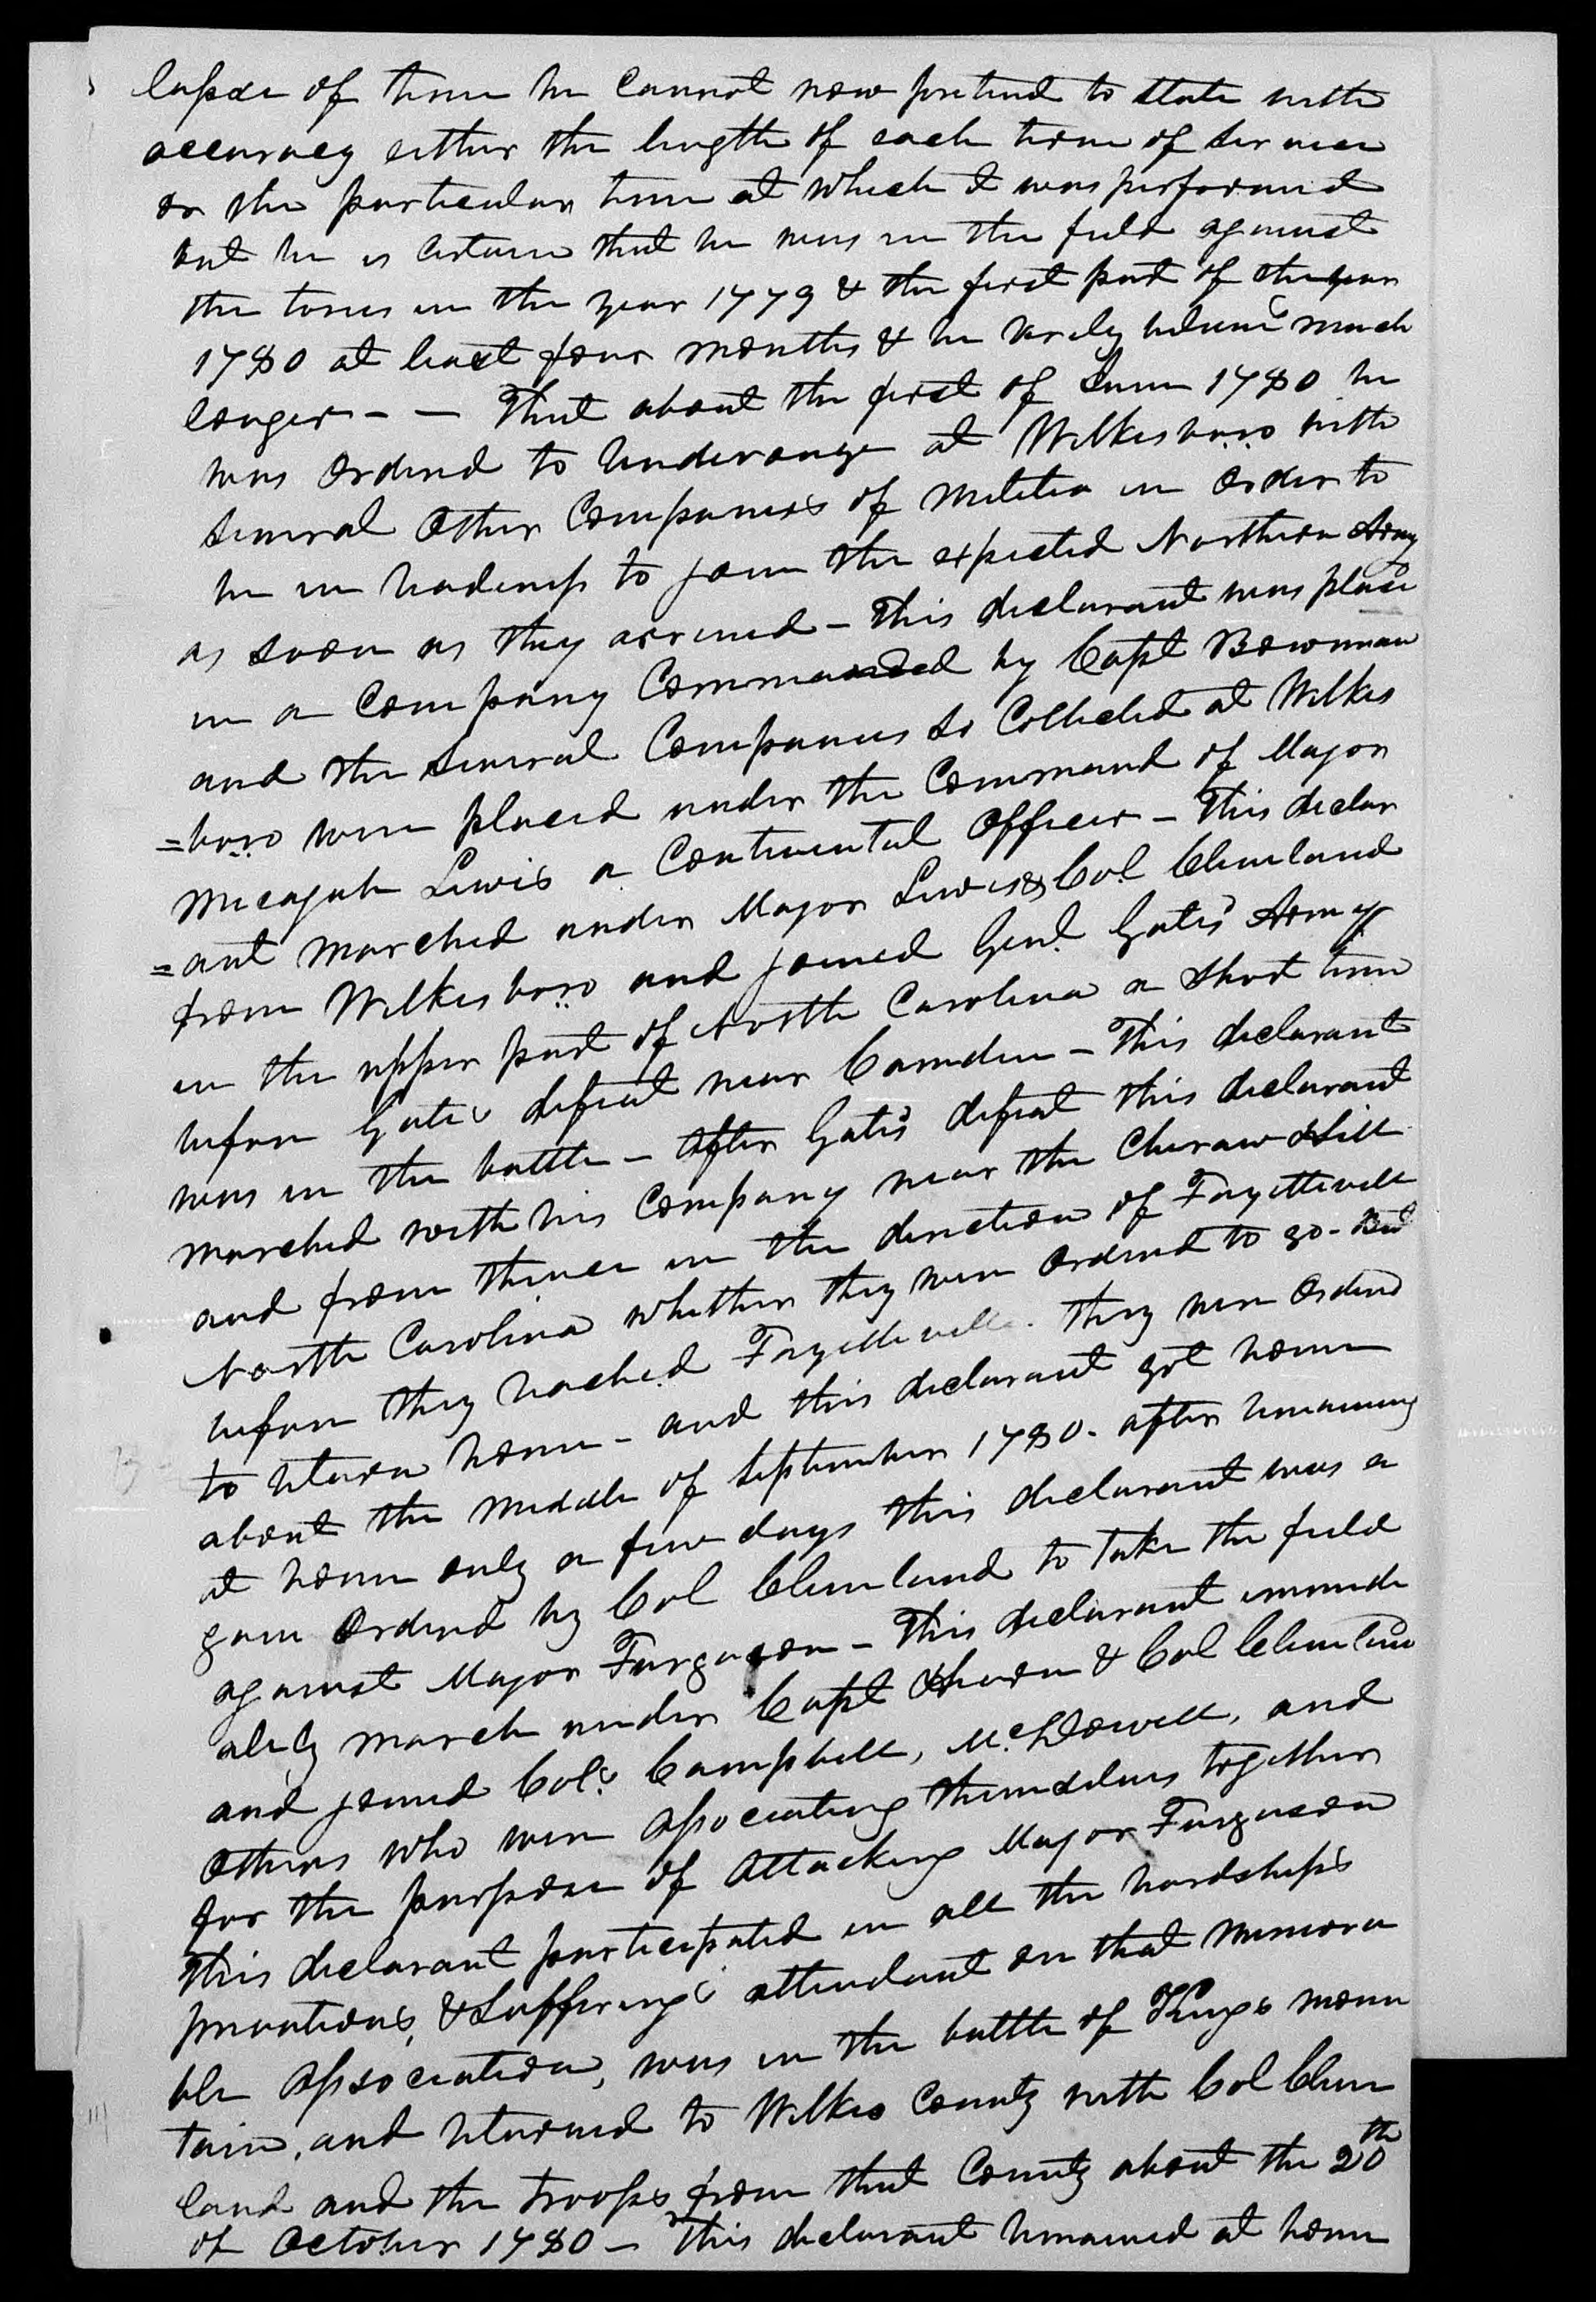lapse of time he cannot now pretend to state with accuracy either the length of each term of service or the particular time at which it was performed but he is certain that he was in the field against the towns in the year 1779 & the first part of the year 1780 at least four months & he verily illegible much longer-- that about the first of June 1780 he was ordered to underange at Wilkesburo with several other companies of Militia in order to be in readiness to join the expected Northern Army as soon as they arrived - This declarant was place
in a company commanded by Capt Bowman
and the several companies so collected at Wilkesboro were placed under the command of Major illegible Lewis a continental officer - this declarant marched under Major Lewis & Col Cleveland from Wilkesboro and joined Genl. Gates Army in the upper part of North Carolina a short time before Gates defeat. This declarent marched north with the company near the Cheraw Hill and from thence in the direction of Fayetteville North Carolina whether they were ordered to go illegible they reached Fayetteville. They went on to return home
and this declarant got home about the middle of September 1780. after illegible at home only for four days this declarant was again ordered by Col Cleveland to take the field
against Major Furguson - This declarant immediately march under Capt illegible & Col Cleveland and joined Col Campbell,
Mchowell, and others who were associating themselves together for the purpose of attacking Major Fergerson. This declarant participated in all the hardships,
privations, suffering & attendant on that illegible association, was in the battle of Kings Mountain, and returned to Wilkes County with Col Cleveland and the troops from that County about the 20th of October 1780 - This declarant remained at home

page: 6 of 18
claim: survivor's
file: S. 8,994, for Philip Mason, North Carolina